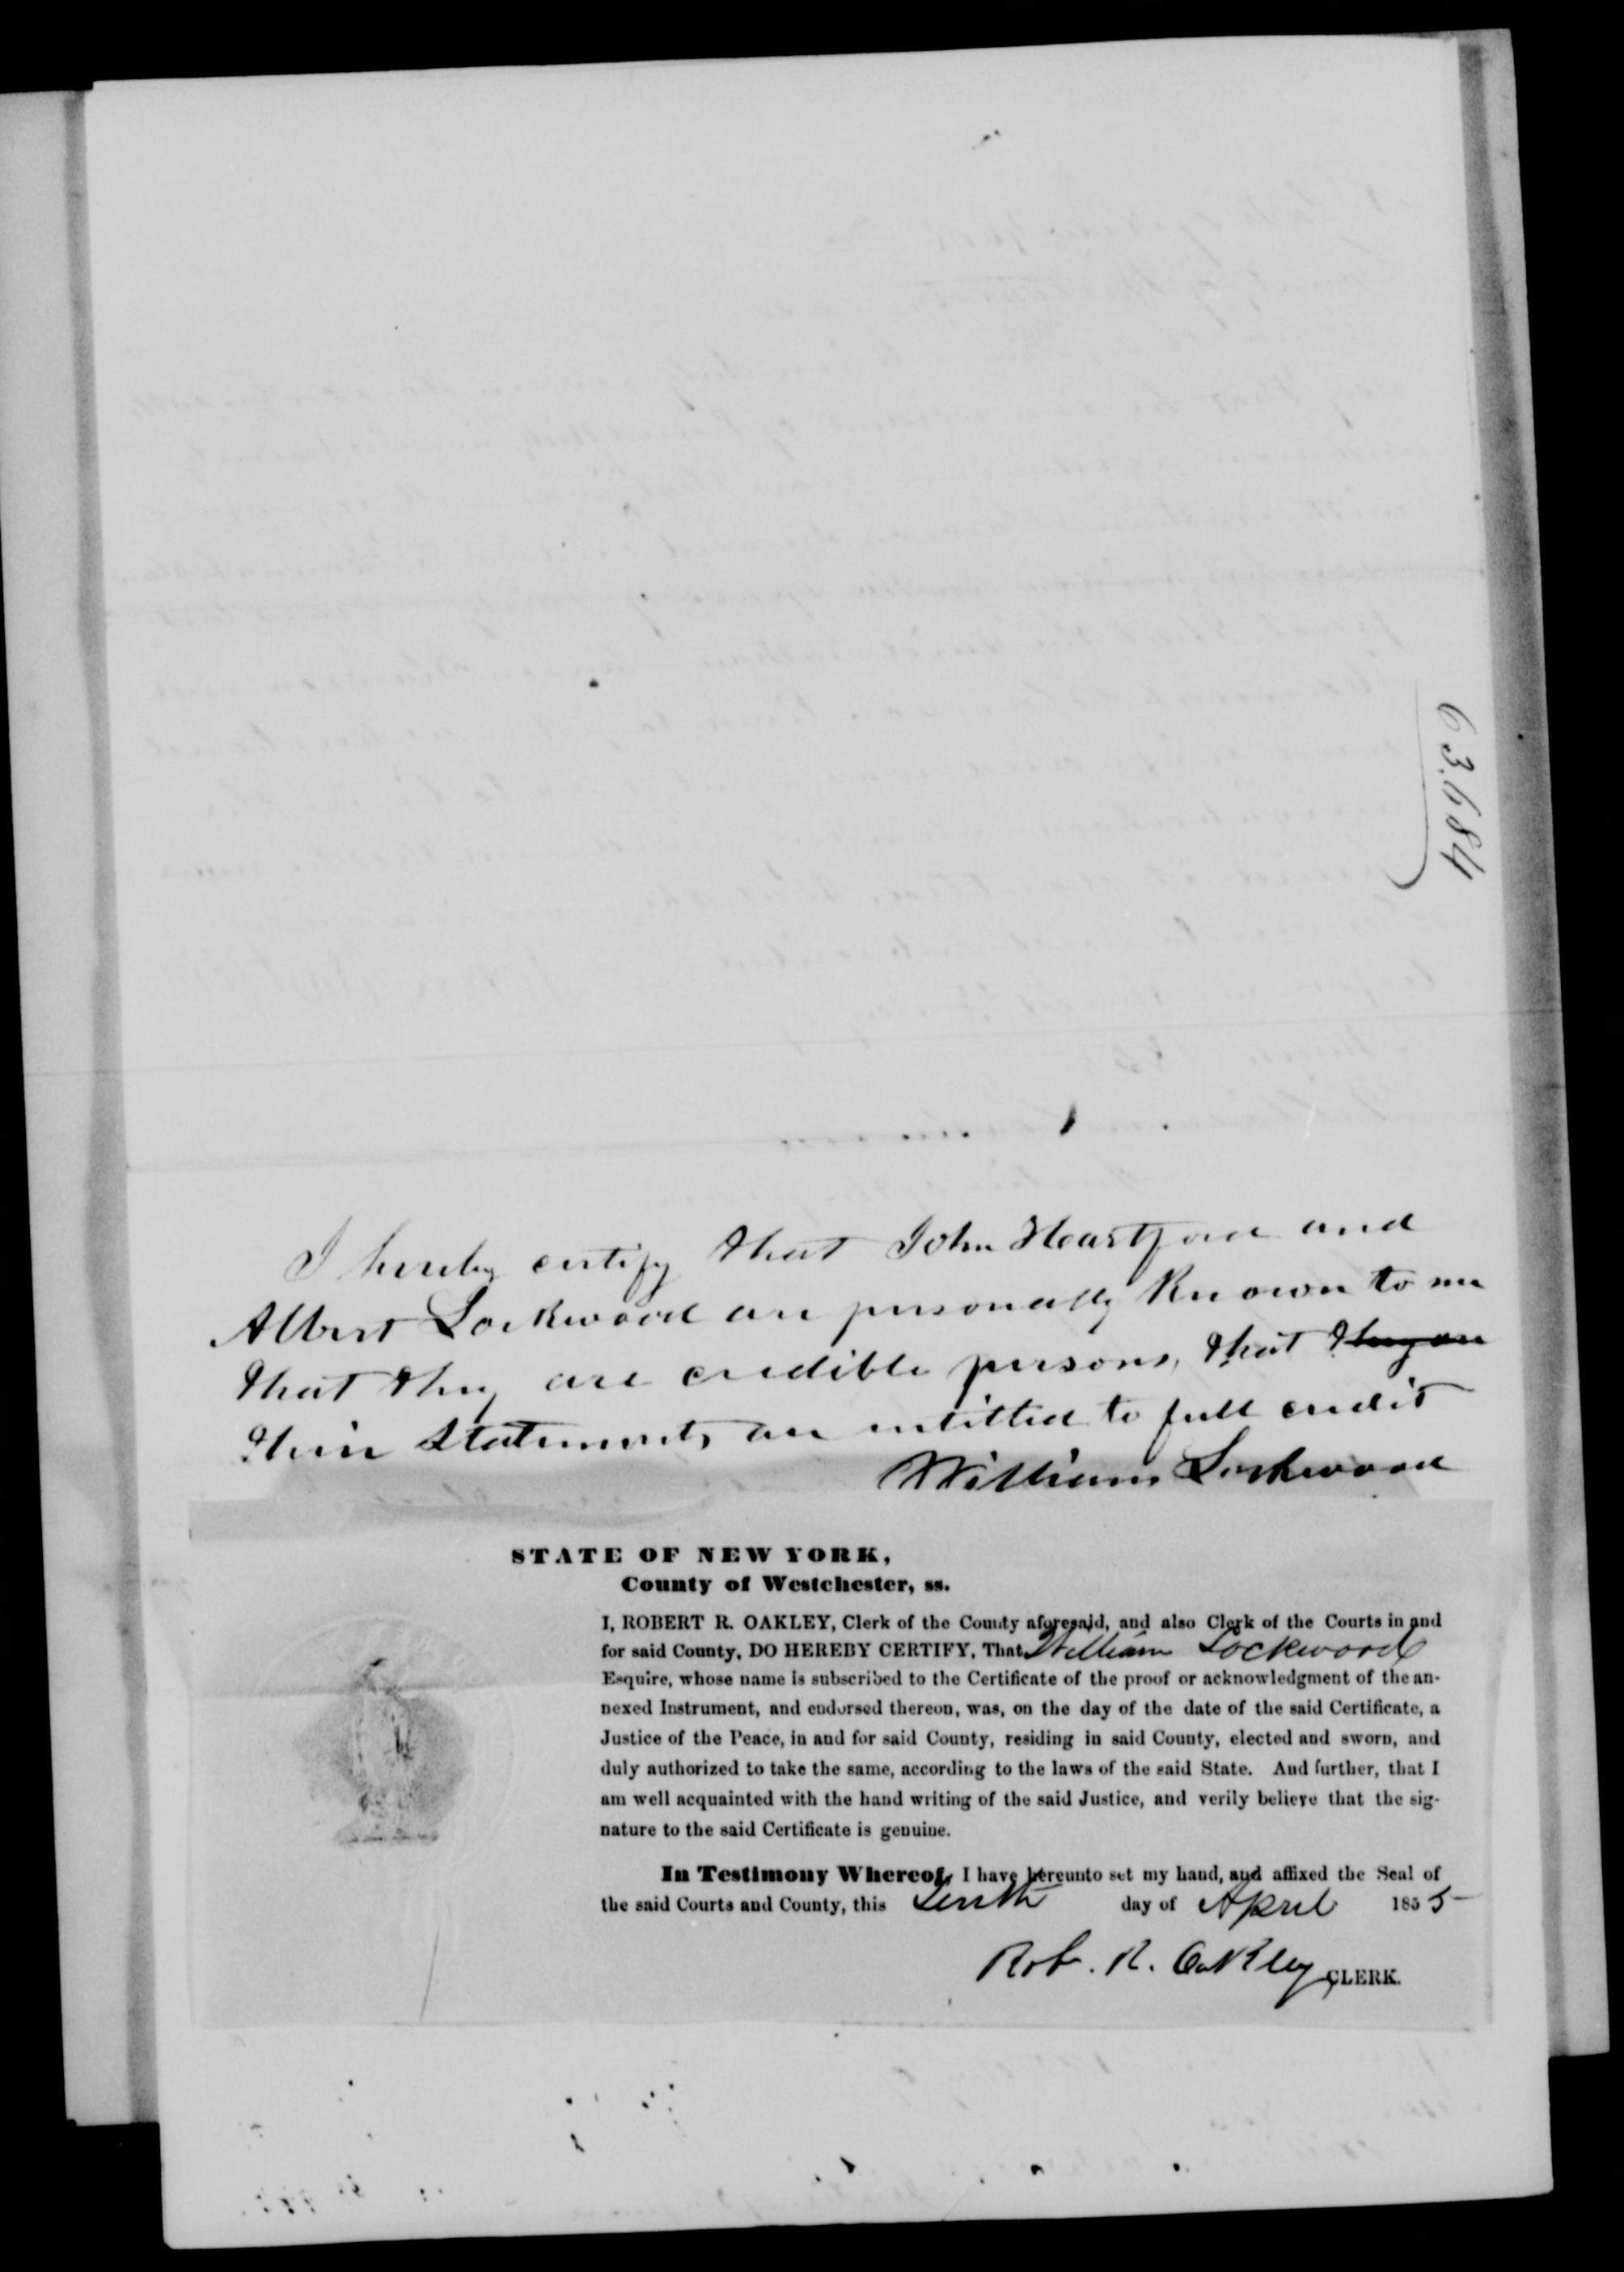63684  
I hereby certify that John Hartford and Albert Lockwood and personally known to me that they are credible persons, that their statements are entitled to full credit
William Lockwood 
STATE OF NEW YORK, 
County of Westchester, ss. 
I, ROBERT R. OAKLEY, Clerk of the County aforesaid, and also Clerk of the Courts in and for said County, DO HEREBY CERTIFY, That William Lockwood Esquire, whose name is subscribed to the Certificate of the proof or acknowledgment of the annexed Instrument, and endorsed thereon, was, on the day of the date of the said Certificate, a Justice of the Peace, in and for said County, residing in said County, elected and sworn, and duly authorized to take the same, according to the laws of the said State. And further, that I am well acquainted with the hand writing of the said Justice, and verily believe that the signature to the said Certificate is genuine. 
In Testimony Whereof, I have hereunto set my hand, and affixed the Seal of the said Court and County, this Sixth day of April 1835 
Rob. R. Oakley Clerk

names: John Hartford; Rob R Oakley; Albert Lockwood; William Lockwood; Robert R Oakley; William Lockwood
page: 24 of 87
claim: widow's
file: W. 22,226, for Nathan Slawson, Connecticut